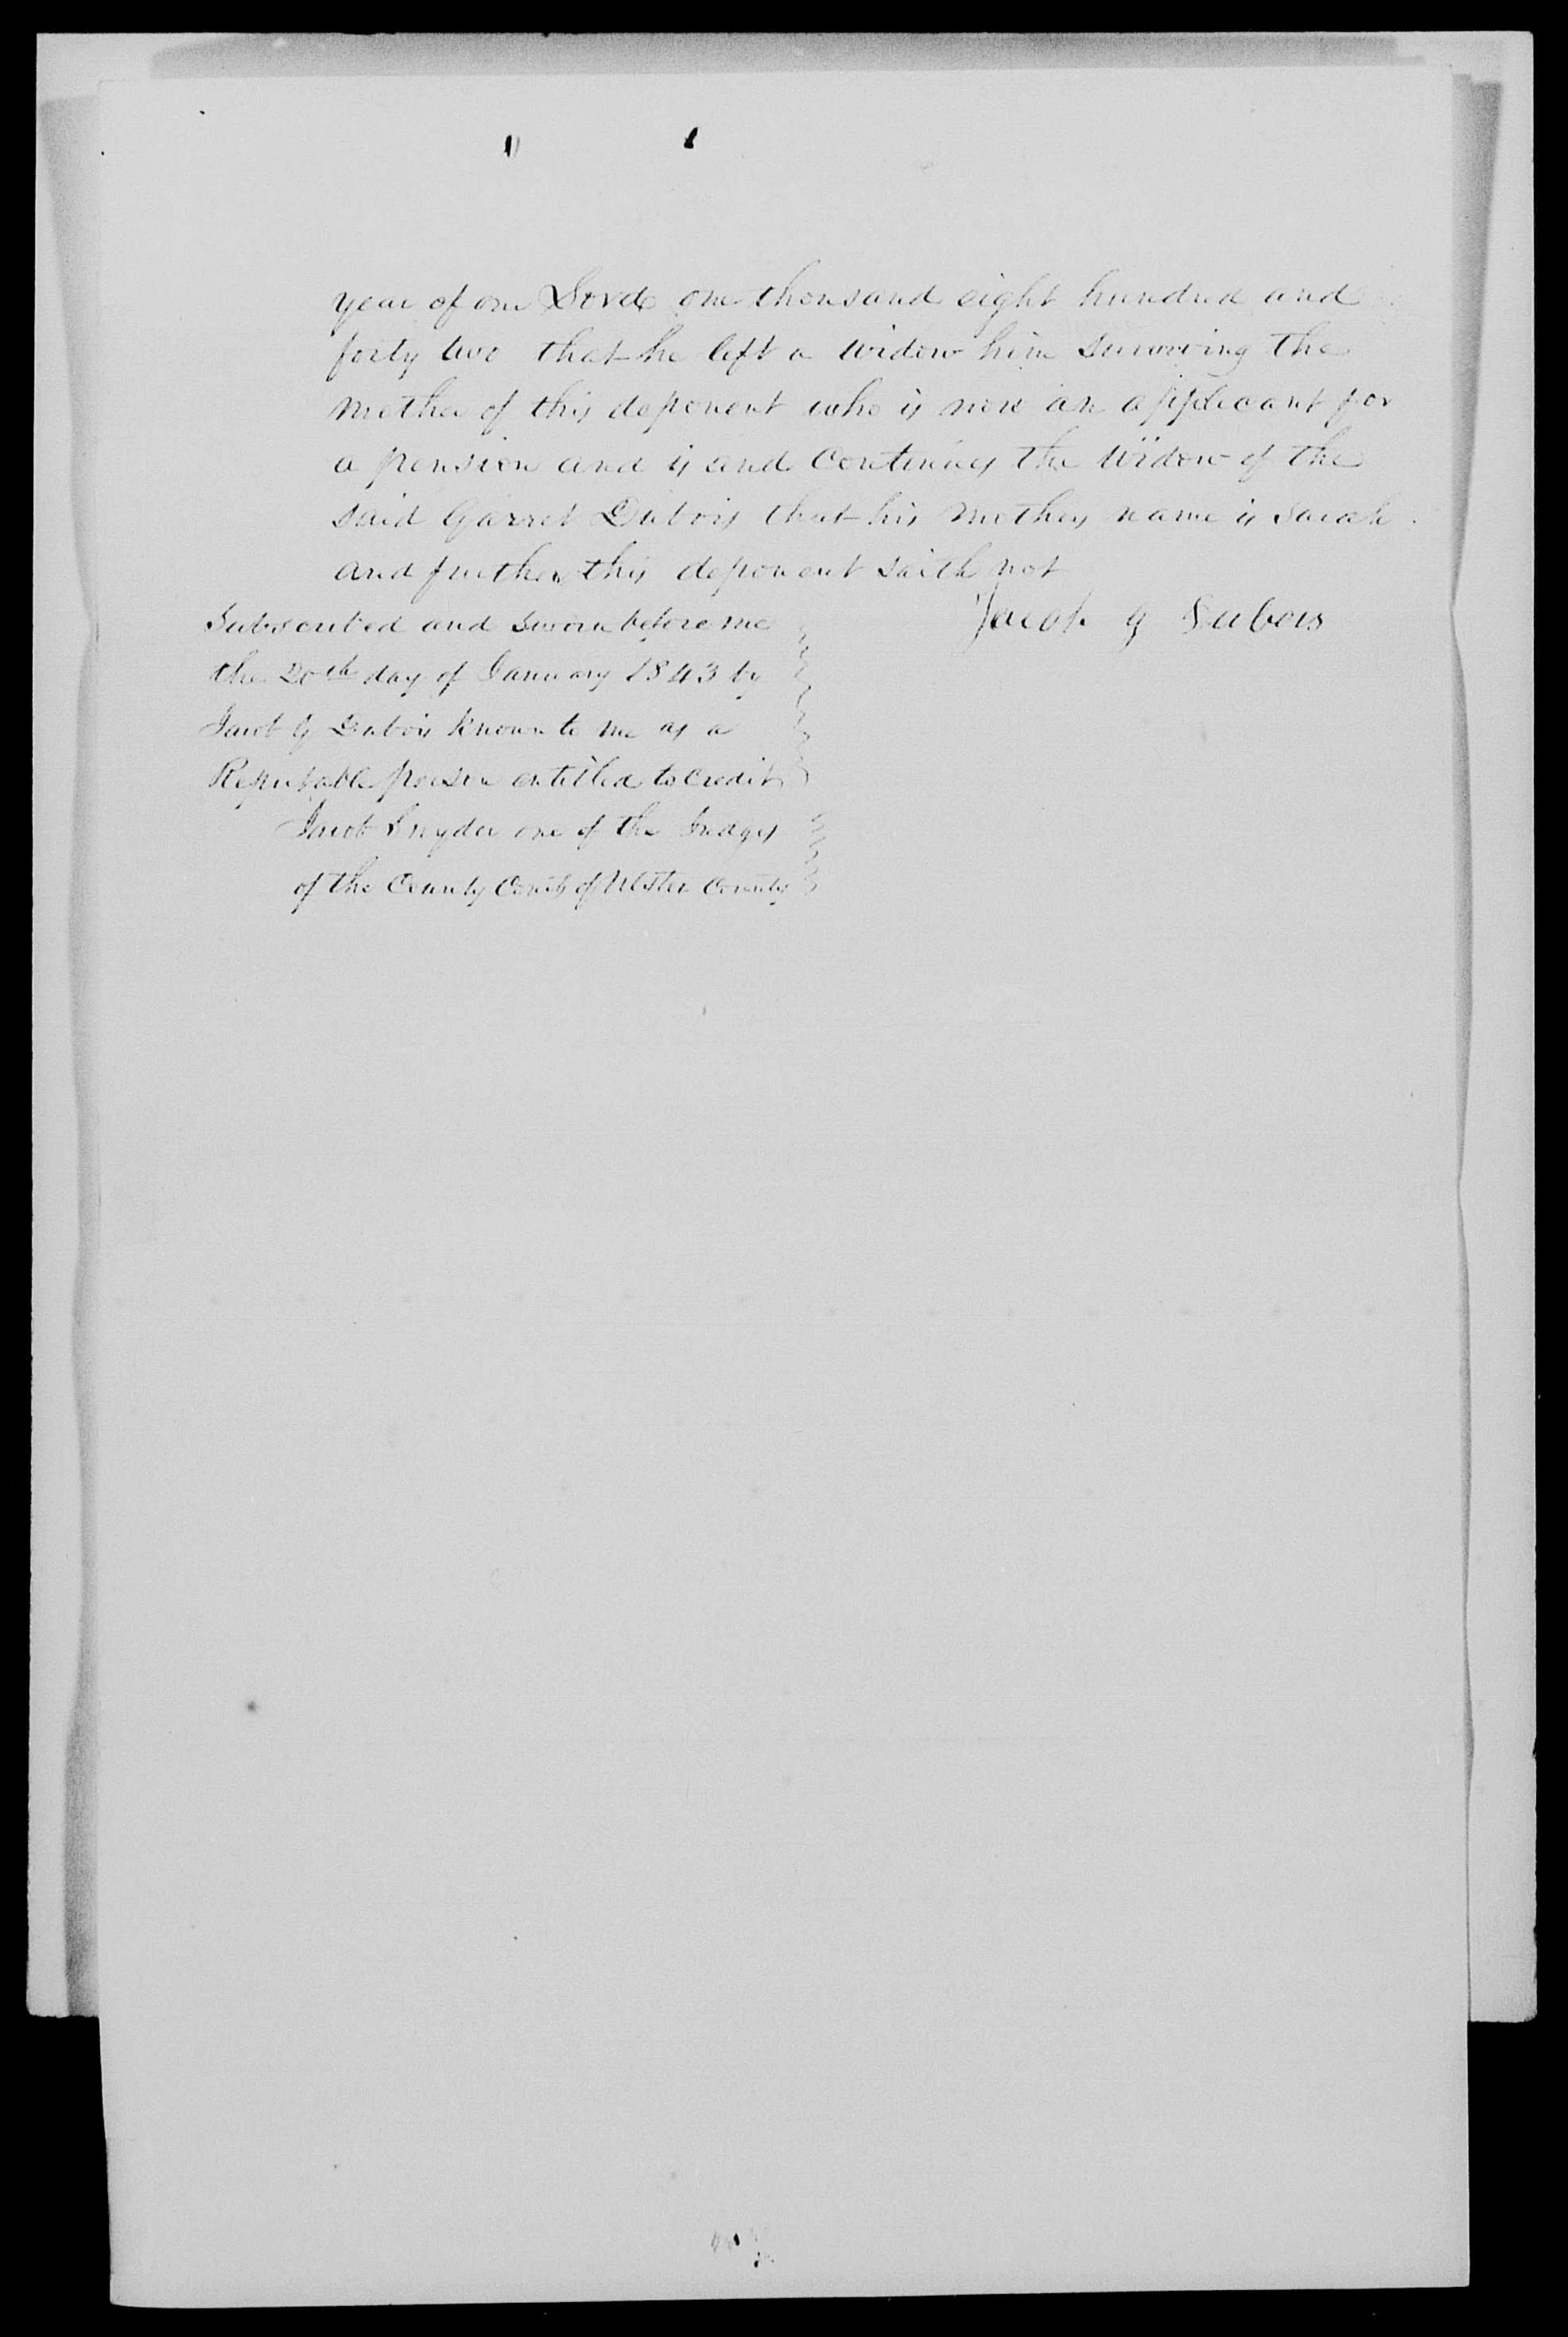year of our Lord one thousand eight hundred and forty two.  that he left a widow him surviving the mother of this deponent who is now an applicant for a pension and is and continues the widow of the said Garret Dubois that his mothers name is Sarah.
and further this deponent saith not
Subscribed and sworn before me
[signed] Jacob G Dubois

Subscribed and sworn before me the 20th day of January 1843 by Jacob G Dubois known to me as a Reputable person entitled to credit
Jacob Snyder one of the Judges of the County Court of Ulster County}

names: Jacob Snyder, Jacob G Dubois, Sarah, Jacob G Dubois, Garret Dubois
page: 15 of 36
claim: widow's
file: W 20995, Gerrit Dubois, New York